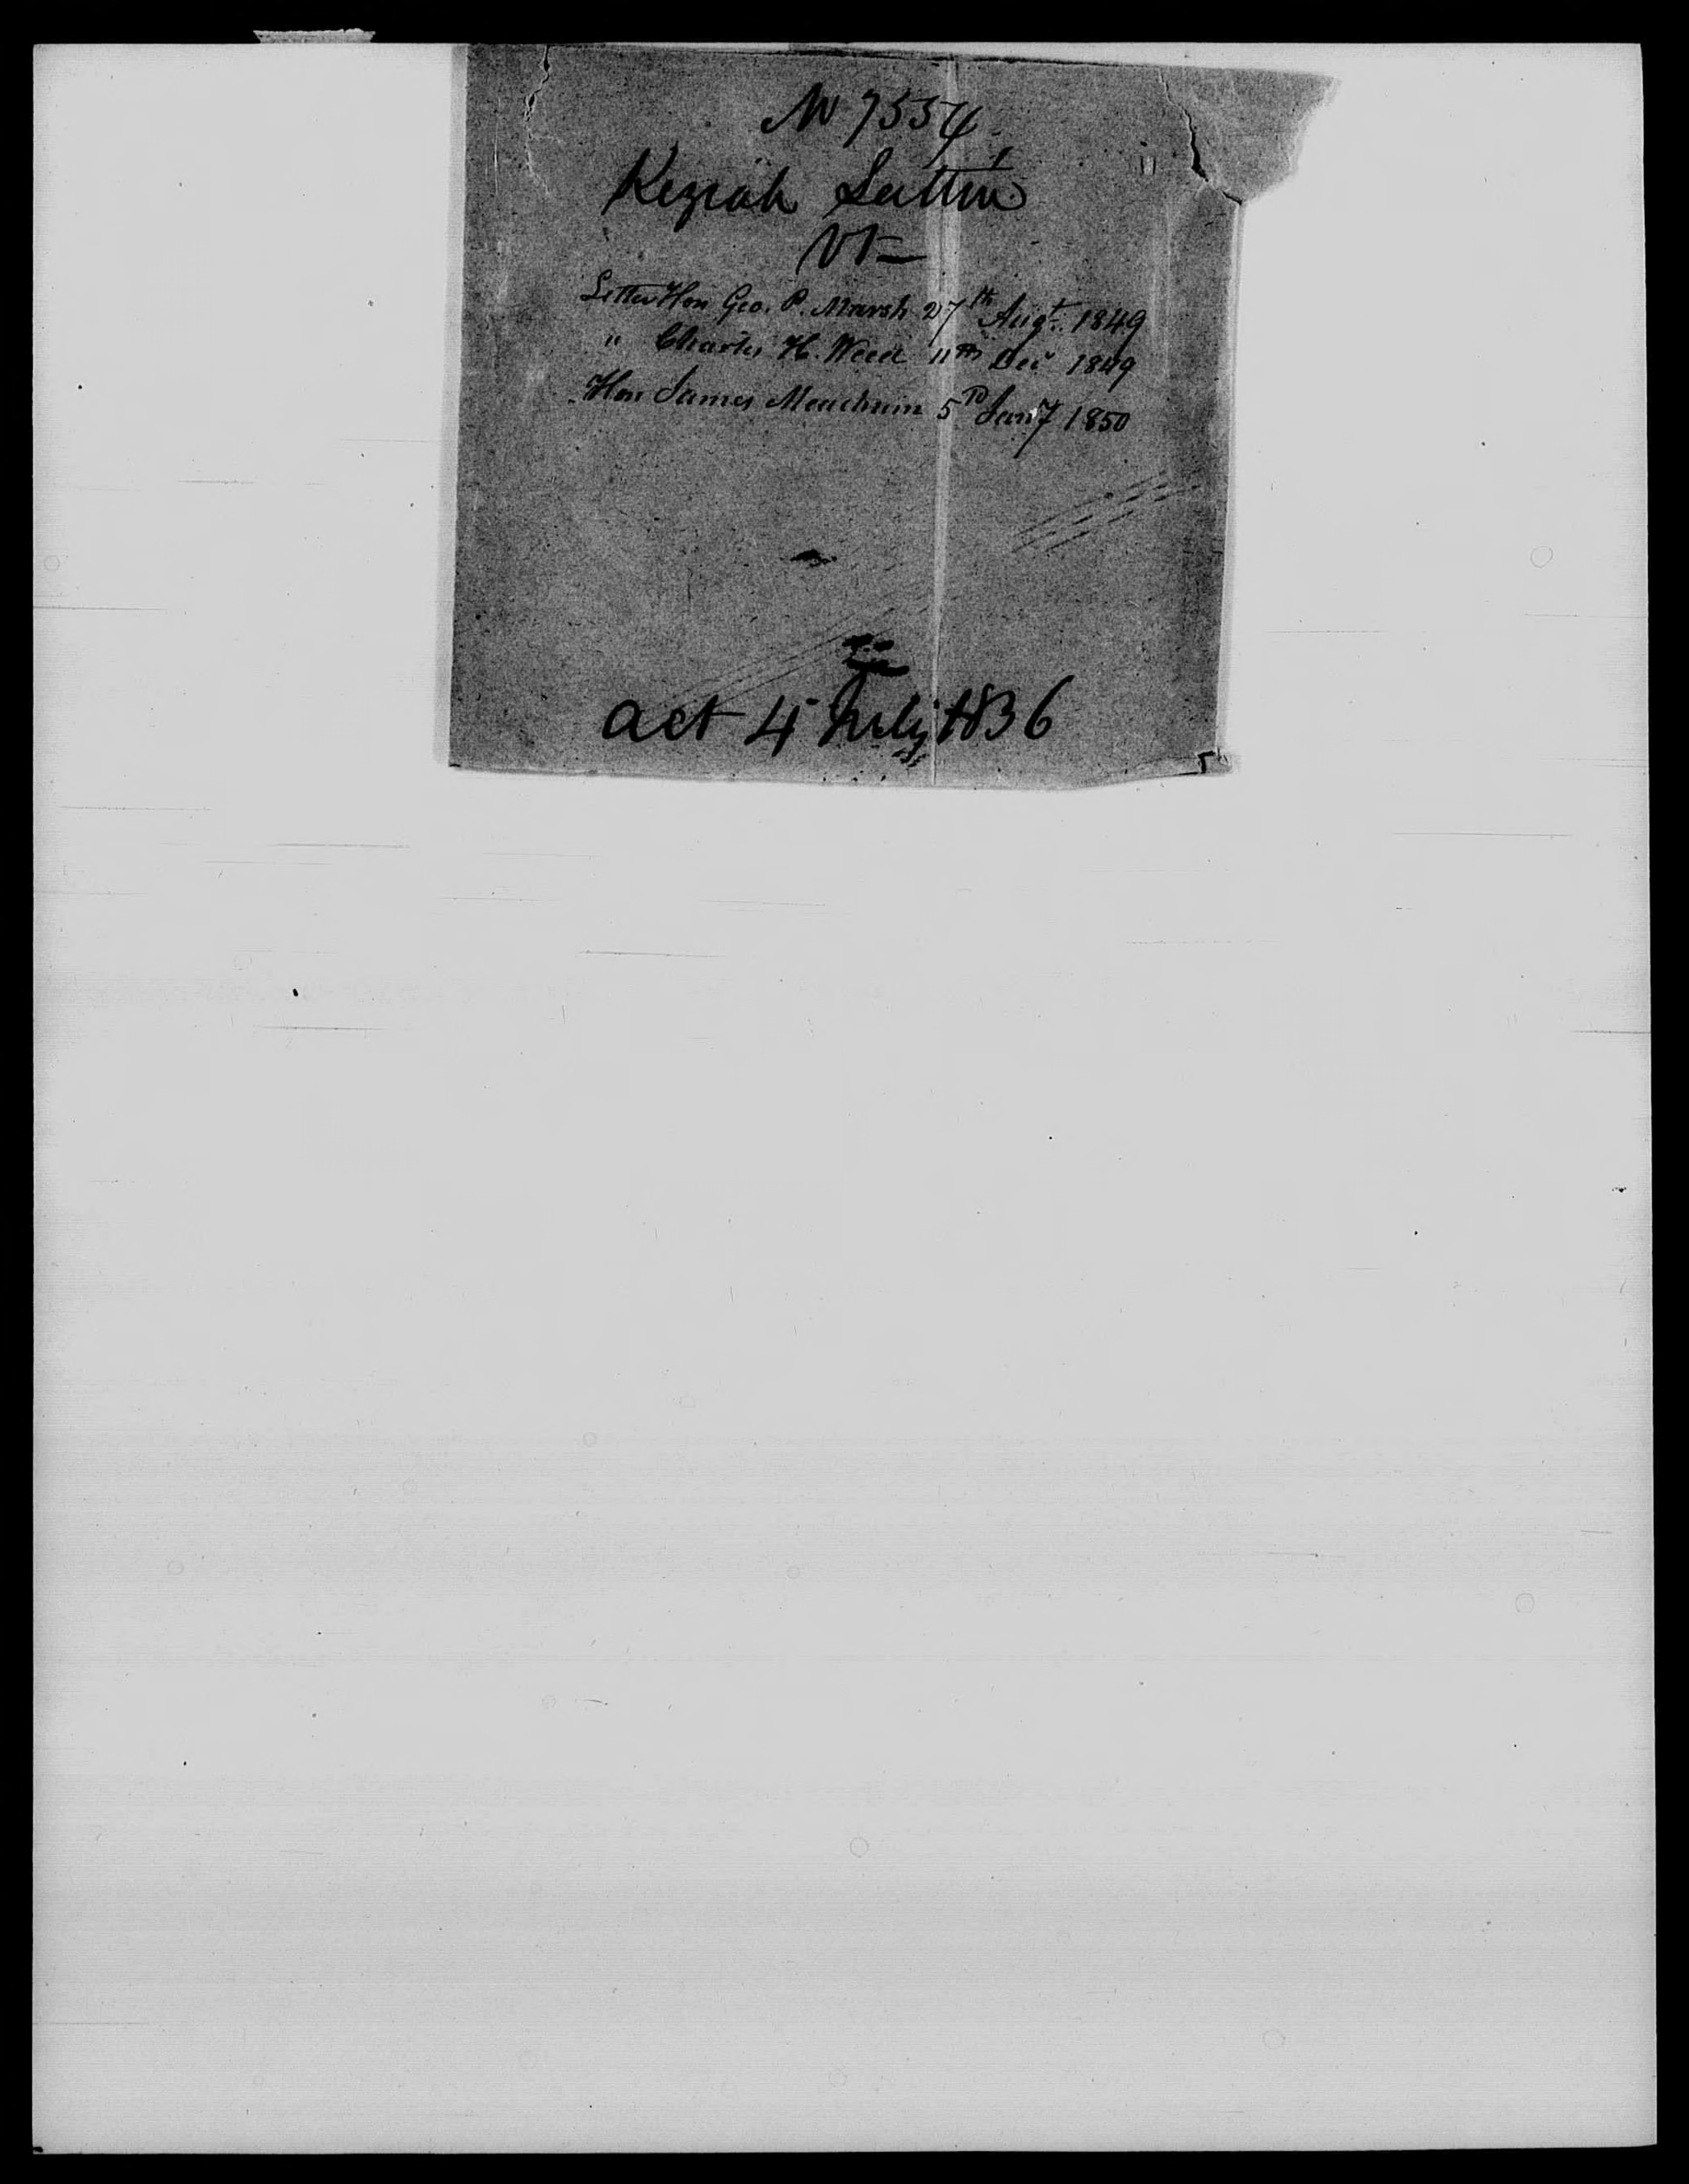No. 7554
Keziah Lattin
Vt
Letter Hon Geo P Marsh 27 Aug’t 1849
Letter Charles H Weed 11th Dec’r 1849
Hon James Meacham 5th Jun 7 1850

Act 4 July. 1836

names: Geo P Marsh; Keziah Lattin; James Meacham; Charles H Weed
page: 62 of 99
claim: widow's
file: W. 24,482, for Richard Lattin, Vermont